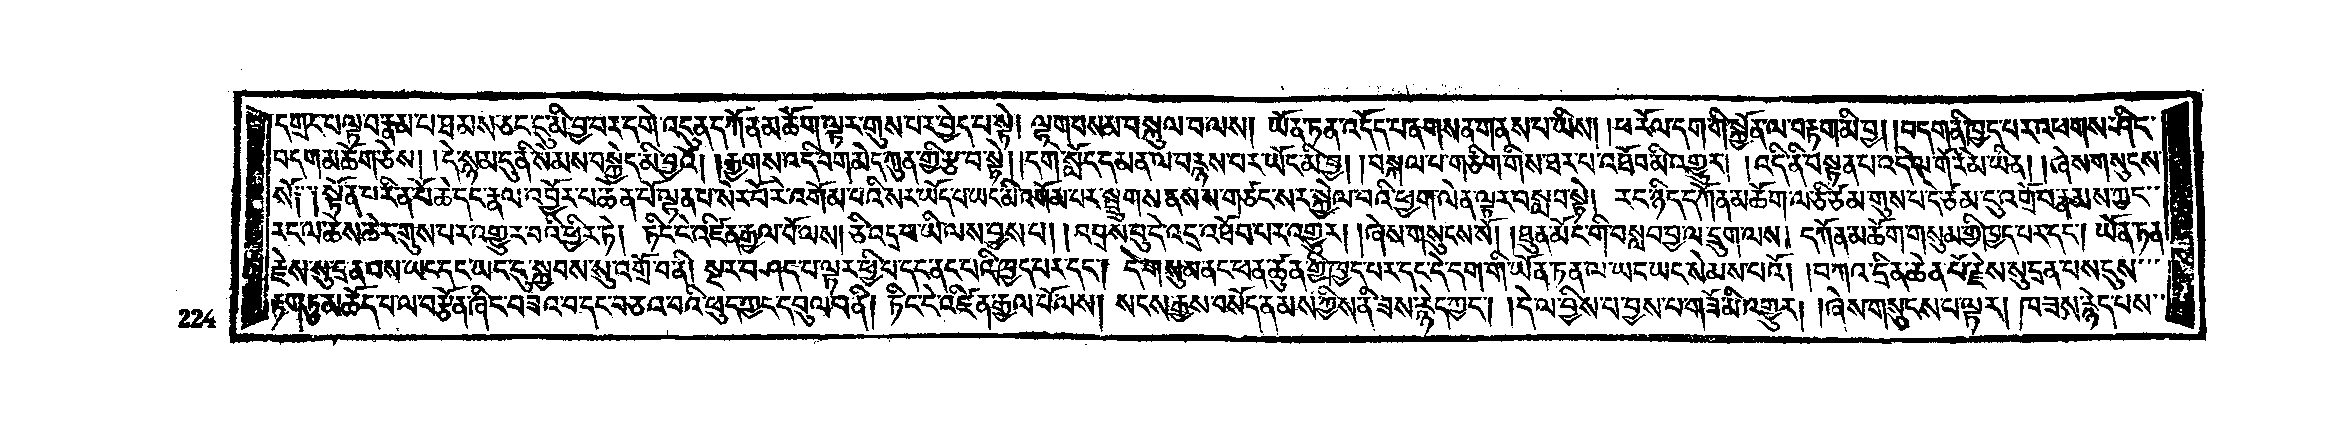དགྲར་བལྟ་བ་རྣམ་པ་ཐམས་ཅད་དུ་མི་བྱ་བར་དགེ་འདུན་དཀོན་མཆོག་ལྟར་གུས་པར་བྱེད་པ་སྟེ། ལྷག་བསམ་བསྐུལ་བ་ལས། ཡོན་ཏན་འདོད་པ་ནགས་ན་གནས་པ་ཡིས། །ཕ་རོལ་དག་གི་སྐྱོན་ལ་བརྟག་མི་བྱ། །བདག་ནི་ཁྱད་པར་འཕགས་ཤིང་
བདག་མཆོག་ཅེས། །དེ་སྙམ་དུ་ནི་སེམས་བསྐྱེད་མི་བྱའོ། །རྒྱགས་འདི་བག་མེད་ཀུན་གྱི་རྩ་བ་སྟེ། །དགེ་སློང་དམན་ལ་བརྙས་པར་ཡོང་མི་བྱ། །བསྐལ་པ་གཅིག་གིས་ཐར་པ་འཐོབ་མི་འགྱུར། །འདི་ནི་བསྟན་པ་འདི་ལ་གོ་རིམ་ཡིན། །ཞེས་གསུངས་
སོ༑ ༑སྟོན་པ་རིན་པོ་ཆེ་དང་རྣལ་འབྱོར་པ་ཆེན་པོ་ལྷན་པ་སེར་པོ་རེ་འགོམ་པའི་སར་ཡོད་པ་ཡང་མི་འགོམ་པར་སྤྲུགས་ནས་ས་གཙང་སར་སྐྱེལ་བའི་ཕྱག་ལེན་ལྟར་བསླབ་སྟེ། རང་ཉིད་དཀོན་མཆོག་ལ་ཅི་ཙམ་གུས་པ་དེ་ཙམ་དུ་འགྲོ་བ་རྣམས་ཀྱང་
རང་ལ་ཆེས་ཆེར་གུས་པར་འགྱུར་བའི་ཕྱིར་ཏེ། ཏིང་ངེ་འཛིན་རྒྱལ་པོ་ལས། ཅི་འདྲ་བ་ཡི་ལས་བྱས་པ། །འབྲས་བུ་དེ་འདྲ་འཐོབ་པར་འགྱུར། །ཞེས་གསུངས་སོ། །ཐུན་མོང་གི་བསླབ་བྱ་ལ་དྲུག་ལས། དཀོན་མཆོག་གསུམ་གྱི་ཁྱད་པར་དང་། ཡོན་ཏན་
རྗེས་སུ་དྲན་པས་ཡང་དང་ཡང་དུ་སྐྱབས་སུ་འགྲོ་བ་ནི། སྔར་བཤད་པ་ལྟར་ཕྱི་པ་དང་ནང་པའི་ཁྱད་པར་དང་། དེ་གསུམ་ནང་ཕན་ཚུན་གྱི་ཁྱད་པར་དང་དེ་དག་གི་ཡོན་ཏན་ལ་ཡང་ཡང་སེམས་པའོ། །བཀའ་དྲིན་ཆེན་པོ་རྗེས་སུ་དྲན་པས་དུས་
རྟག་ཏུ་མཆོད་པ་ལ་བརྩོན་ཞིང་བཟའ་བ་དང་བཅའ་བའི་ཕུད་ཀྱང་དབུལ་བ་ནི། ཏིང་ངེ་འཛིན་རྒྱལ་པོ་ལས། སངས་རྒྱས་བསོད་ནམས་ཀྱིས་ནི་ཟས་རྙེད་ཀྱང་། །དེ་ལ་བྱིས་པ་བྱས་པ་གཟོ་མི་འགྱུར། །ཞེས་གསུངས་པ་ལྟར། ཁ་ཟས་རྙེད་པས་